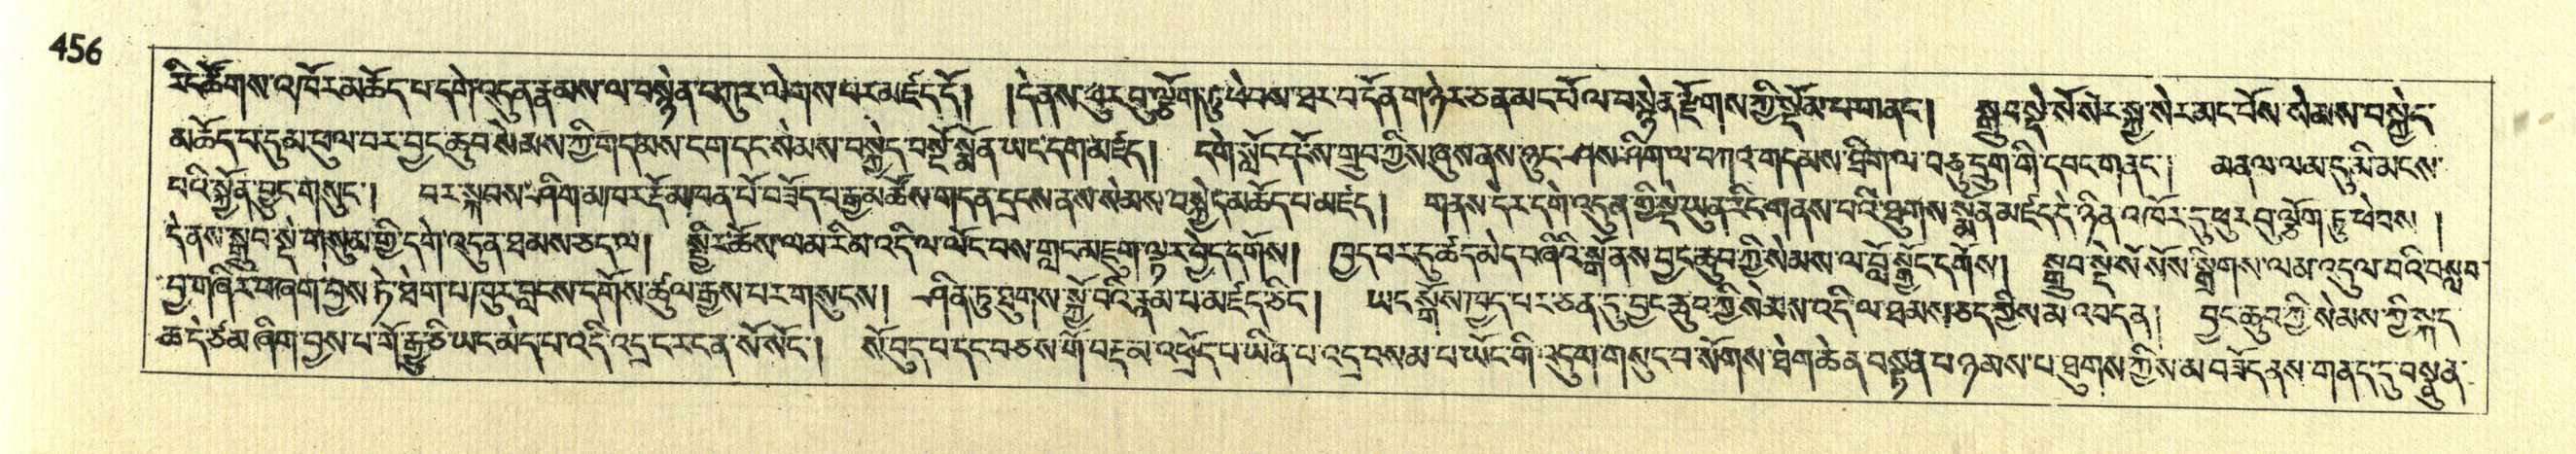རིང་ཚོགས་འཁོར་མཆོད་པ་དགེ་འདུན་རྣམས་ལ་བསྙེན་བཀུར་ལེགས་པར་མཛད་དོ། །དེ་ནས་ཕུར་བུ་ལྕོག་ཏུ་ཕེབས་ཐར་བདོན་གཉེར་ཅན་མང་པོ་ལ་བསྙེན་རྫོགས་ཀྱི་སྡོམ་པ་གནང་། སྒྲུབ་སྡེ་སོ་སོར་སྐྱ་སེར་མང་པོས་སེམས་བསྐྱེད་
མཆོད་པ་དུམ་ཕུལ་བར་བྱང་ཆུབ་སེམས་ཀྱི་གདམས་ངག་དང་སེམས་བསྐྱེད་བསྔོ་སྨོན་ཡང་དག་མཛད། དགེ་སློང་དངོས་གྲུབ་ཀྱིས་ཞུས་ནས་ཉུང་ཤས་ཤིག་ལ་བཀའ་གདམས་ཐིག་ལ་བཅུ་དྲུག་གི་དབང་གནང་། མནལ་ལམ་དུ་མི་མངས་
པའི་སྐྱོན་བྱུང་གསུང་། བར་སྐབས་ཤིག་མཁར་རྡོ་མཁན་པོ་བཟོད་པ་རྒྱ་མཚོས་གདན་དྲངས་ནས་སེམས་བསྐྱེད་མཆོད་པ་མཛད། གནས་དེར་དགེ་འདུན་གྱི་སྡེ་ཡུན་རིང་གནས་པའི་ཐུགས་སྨོན་མཛད་དེ་ཉིན་འཁོར་དུ་ཕུར་བུ་ལྕོག་ཏུ་ཕེབས།
དེ་ནས་སྒྲུབ་སྡེ་གསུམ་གྱི་དགེ་འདུན་ཐམས་ཅད་ལ། སྤྱིར་ཆོས་ལམ་རིམ་འདི་ལ་ལོང་བས་གླང་མཇུག་ལྟར་བྱེད་དགོས། ཁྱད་བར་དུ་ཚད་མེད་བཞིའི་སྒོ་ནས་བྱང་ཆུབ་ཀྱི་སེམས་ལ་བློ་སྒྱོང་དགོས། སྒྲུབ་སྡེ་སོ་སོས་སྒྲིགས་ལམ་འདུལ་བའི་བསླབ་
བྱ་གཞིར་བཞག་བྱས་ཏེ་ཐེག་པ་ཁུར་བླངས་དགོས་ཚུལ་རྒྱས་པར་གསུངས། ཤིན་ཏུ་ཐུགས་སྐྱོ་བའི་རྣམ་པ་མཛད་ཅིང་། ཡང་སྒོས་ཁྱད་པར་ཅན་དུ་བྱང་ཆུབ་ཀྱི་སེམས་འདི་ལ་ཐམས་ཅད་ཀྱིས་མ་འབད་ན། བྱང་ཆུབ་ཀྱི་སེམས་ཀྱི་སྐད་
ཆ་དེ་ཙམ་ཞིག་བྱས་པ་གོ་རྒྱུ་ཅི་ཡང་མེད་པ་འདི་འདྲ་ང་རང་ན་སོ་སོང་། སོ་བུད་པ་དང་བཅས་གོ་བརྡམ་འཕྲོད་པ་ཡིན་པ་འདྲ་བསམ་པ་ཡོང་གི་འདུག་གསུང་བ་སོགས་ཐེག་ཆེན་བསྟན་པ་ཉམས་པ་ཐུགས་ཀྱིས་མ་བཟོད་ནས་གནད་དུ་བསྣུན་